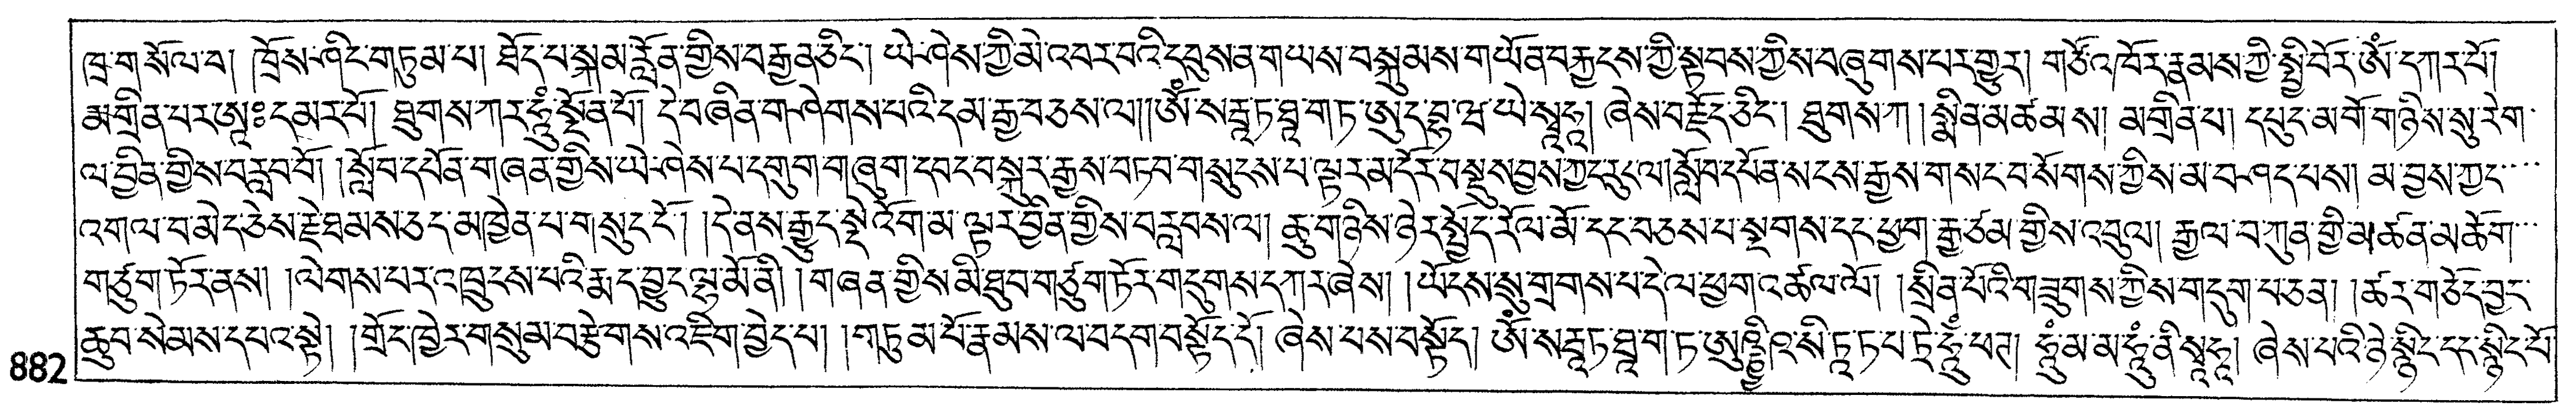ཁྲ་གསོལ་བ། ཁྲོས་ཤིང་གཏུམ་པ། ཐོད་པ་སྐམ་རློན་གྱིས་བརྒྱན་ཅིང་། ཡེ་ཤེས་ཀྱི་མེ་འབར་བའི་དབུས་ན་གཡས་བསྐུམས་གཡོན་བརྐྱངས་ཀྱི་སྟབས་ཀྱིས་བཞུགས་པར་གྱུར། གཙོ་འཁོར་རྣམས་ཀྱི་སྤྱི་བོར་ཨོཾ་དཀར་པོ།
མགྲིན་པར་ཨཱཿ དམར་པོ། ཐུགས་ཀར་ཧཱུཾ་སྔོན་པོ། དེ་བཞིན་གཤེགས་པའི་དམ་རྒྱ་བཅས་ལ། །ཨོཾ་སརྦཱ་ཏ་ཐཱ་ག་ཏ་ཨུད་བྷ་ཝ་ཡེ་སྭཱཧཱ། ཞེས་བརྗོད་ཅིང་། ཐུགས་ཀ། སྨིན་མཚམས། མགྲིན་པ། དཔུང་མགོ་གཉིས་སུ་རེག་
ལ་བྱིན་གྱིས་བརླབ་བོ། །སློབ་དཔོན་གཞན་གྱིས་ཡེ་ཤེས་པ་དགུག་གཞུག་དབང་བསྐུར་རྒྱས་བཏབ་གསུངས་པ་ལྟར་མདོར་བསྡུས་བྱས་ཀྱང་རུང་ལ། སློབ་དཔོན་སངས་རྒྱས་གསང་བ་སོགས་ཀྱིས་མ་བཤད་པས། མ་བྱས་ཀྱང་
འགལ་བ་མེད་ཅེས་རྗེ་ཐམས་ཅད་མཁྱེན་པ་གསུང་ངོ། །དེ་ནས་རྒྱུད་སྡེ་འོག་མ་ལྟར་བྱིན་གྱིས་བརླབས་ལ། ཆུ་གཉིས་ཉེར་སྤྱོད་རོལ་མོ་དང་བཅས་པ་སྔགས་དང་ཕྱག་རྒྱ་ཙམ་གྱིས་འབུལ། རྒྱལ་བ་ཀུན་གྱི་མཚན་མཆོག་
གཙུག་ཏོར་ནས། །ལེགས་པར་འཁྲུངས་པའི་རྨད་བྱུང་ལྷ་མོ་ནི། །གཞན་གྱིས་མི་ཐུབ་གཙུག་ཏོར་གདུགས་དཀར་ཞེས། །ཡོངས་སུ་གྲགས་པ་དེ་ལ་ཕྱག་འཚལ་ལོ། །སྲིན་པོའི་གཟུགས་ཀྱིས་གདུག་པ་ཅན། །ཚར་གཅོད་བྱང་
ཆུབ་སེམས་དཔའ་སྟེ། །གྲོང་ཁྱེར་གསུམ་བརྩེགས་འཇིག་བྱེད་པ། །གཏུམ་པོ་རྣམས་ལ་བདག་བསྟོད་དོ། ཞེས་པས་བསྟོད། ཨོཾ་སརྦཱ་ཏ་ཐཱ་ག་ཏ་ཨུཥཎྱི་ཥ་སི་ཏཱ་ཏ་པ་ཏྲེ་ཧཱུཾ་ཕཊ། ཧཱུཾ་མ་མ་ཧཱུཾ་ནི་སྭཱཧཱ། ཞེས་པའི་ཉེ་སྙིང་དང་སྙིང་པོ་